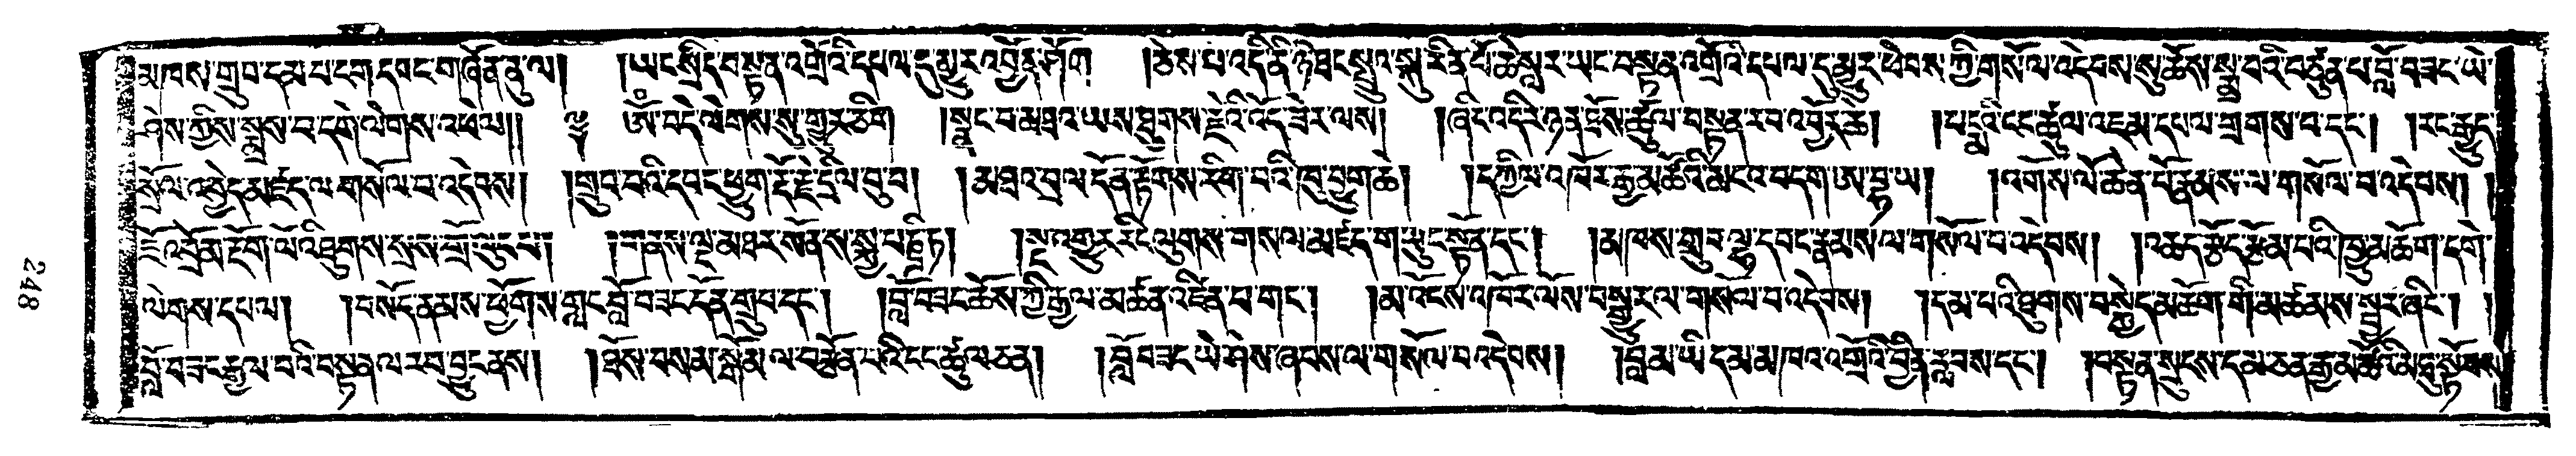མཁས་གྲུབ་དམ་པ་ངག་དབང་གཞོན་ནུ་ལ། །ཡང་སྲིད་བསྟན་འགྲོའི་དཔལ་དུ་མྱུར་འབྱོན་ཤོག །ཅེས་པ་འདི་ནི་ཉི་ཐང་སྤྲུལ་སྐུ་རིན་པོ་ཆེ་སླར་ཡང་བསྟན་འགྲོའི་དཔལ་དུ་མྱུར་ཕེབས་ཀྱི་གསོལ་འདེབས་སུ་ཆོས་སྨྲ་བའི་བཙུན་པ་བློ་བཟང་ཡེ་
ཤེས་ཀྱིས་སྨྲས་བ་དགེ་ལེགས་འཕེལ།། ༈ ཨོཾ་བདེ་ལེགས་སུ་གྱུར་ཅིག །སྣང་བ་མཐའ་ཡས་ཐུགས་རྗེའི་འོད་ཟེར་ལས། །ཞིང་འདིར་ཉན་ཐོས་ཚུལ་བསྟན་རབ་འབྱོར་ཆེ། །པདམའི་ངང་ཚུལ་འཇམ་དཔལ་གྲགས་བ་དང་། །རང་རྒྱུད་
སྲོལ་འབྱེད་མཛད་ལ་གསོལ་བ་འདེབས། །གྲུབ་བའི་དབང་ཕྱུག་རྡོ་རྗེ་དྲིལ་བུ་བ། །མཐའ་བྲལ་དོན་རྟོགས་རིག་པའི་ཁུ་བྱུག་ཆེ། །དཀྱིལ་འཁོར་རྒྱ་མཚོའི་མངའ་བདག་ཨ་བྷ་ཡ། །འགོས་ལོ་ཆེན་པོ་རྣམས་ལ་གསོལ་བ་འདེབས། །
ཇོ་འབྲོམ་རྡོག་ལོའི་ཐུགས་སྲས་གྲོ་ལུང་པ། །གནས་ལྔ་མཐར་སོན་ས་སྐྱ་པཎྜི་ཏ། །སྔ་འགྱུར་རིང་ལུགས་གསལ་མཛད་གཡུང་སྟོན་དང་། །མཁས་གྲུབ་ལྷ་དབང་རྣམས་ལ་གསོལ་བ་འདེབས། །འཆད་རྩོད་རྩོམ་པའི་ཁྱུ་མཆོག་དགེ་
ལེགས་དཔལ། །བསོད་ནམས་ཕྱོགས་གླང་བློ་བཟང་དོན་གྲུབ་དང་། །བློ་བཟང་ཆོས་ཀྱི་རྒྱལ་མཚན་འཛིན་པ་གང་། །མ་འོངས་འཁོར་ལོས་བསྒྱུར་ལ་གསོལ་བ་འདེབས། །དམ་པའི་ཐུགས་བསྐྱེད་མཆོག་གི་མཚམས་སྦྱར་ཞིང་། །
བློ་བཟང་རྒྱལ་བའི་བསྟན་ལ་རབ་བྱུང་ནས། །ཐོས་བསམ་སྒོམ་ལ་བརྩོན་པའི་ངང་ཚུལ་ཅན། །བློ་བཟང་ཡེ་ཤེས་ཞབས་ལ་གསོལ་བ་འདེབས། །བླ་མ་ཡི་དམ་མཁའ་འགྲོའི་བྱིན་རླབས་དང་། །བསྟན་སྲུངས་དམ་ཅན་རྒྱ་མཚོའི་མཐུ་སྟོབས་